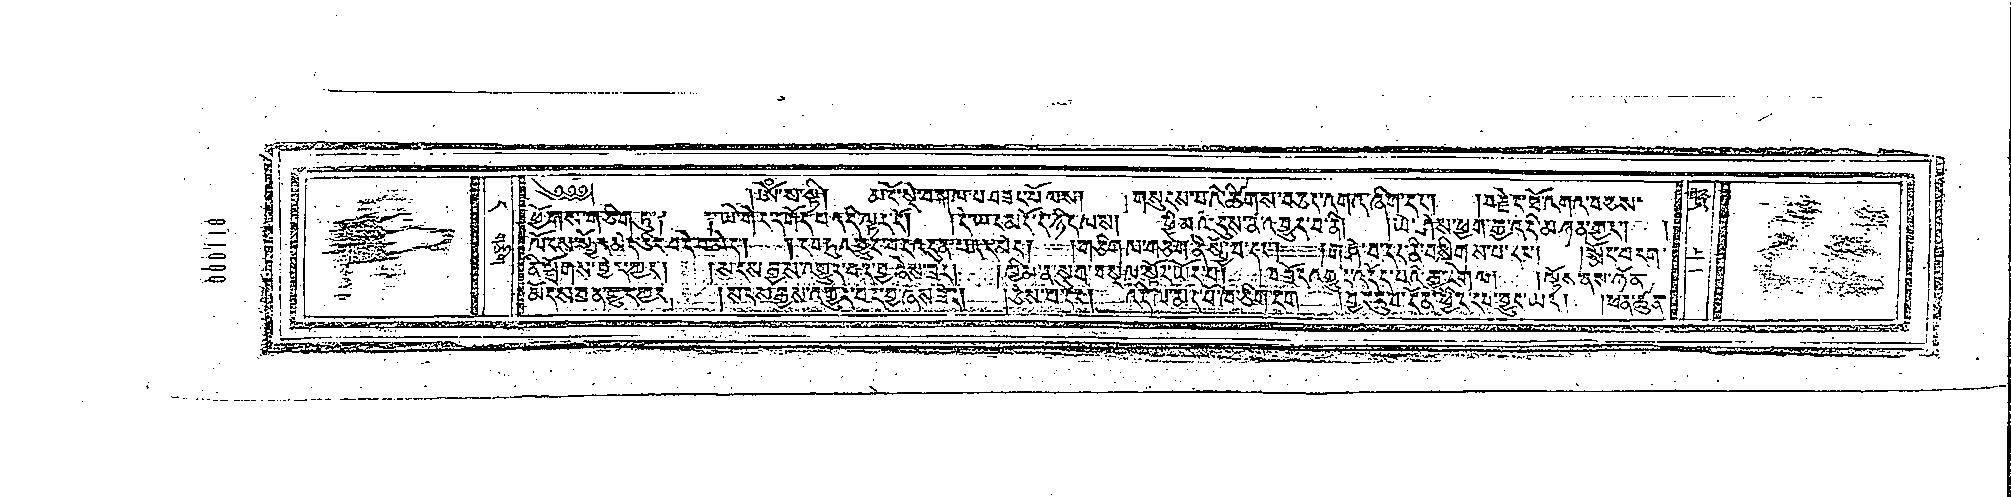༄༅༅། །ཨོཾ་སྭ་སྟི། མདོ་སྡེ་བསྐལ་བ་བཟང་པོ་ལས། །གསུངས་པའི་ཚིགས་བཅད་འགའ་ཞིག་དང་། །བརྗེད་ཐོ་འགའ་བཅས་
ཕྱོགས་གཅིག་ཏུ༑ ༑ཡི་གེང་དགོད་པ་འདི་ལྟར་ངོ། །དེ་ཡང་མདོ་དེ་ཉིད་ལས། ཕྱི་མའི་དུས་ན་འབྱུང་བ་ནི། །ཡེ་ཤེས་ཕྱག་རྒྱ་འདི་མཉན་གྱང་། །
ལོངས་སྤྱོད་མེད་ཅིང་བདེ་བ་མེད། །རབ་ཏུ་འབྱུང་བར་འདུན་པའང་མེད། །གཅིག་ལ་གཅིག་ནི་སྤྱོ་བ་དང་། །གཤེ་བ་དང་ནི་བསྡིགས་པ་དང་། །སྨོད་པ་དག་
ནི་སྒྲོགས་བྱེད་ཀྱང་། །སངས་རྒྱས་འགྱུར་བར་བྱ་ཞེས་ཟེར། །ཁྱིམ་ན་སྡུག་བསྔལ་སྟོང་ཡོད་པ། །བཟོད་འགྱུར་འདོད་པའི་རྒྱ་ངག་ལ། །ལྟོས་ནས་ཉོན་
མོངས་བྲན་གྱུར་ཀྱང་། །སངས་རྒྱས་འགྱུར་བར་བྱ་ཞེས་ཟེར། །ཅེས་པ་དང་། འདི་ལ་མང་པོ་ཁ་ཅིག་དག །བྱང་ཆུབ་དོན་ཕྱིར་རབ་བྱུང་ཡང་། །ཕན་ཚུན་